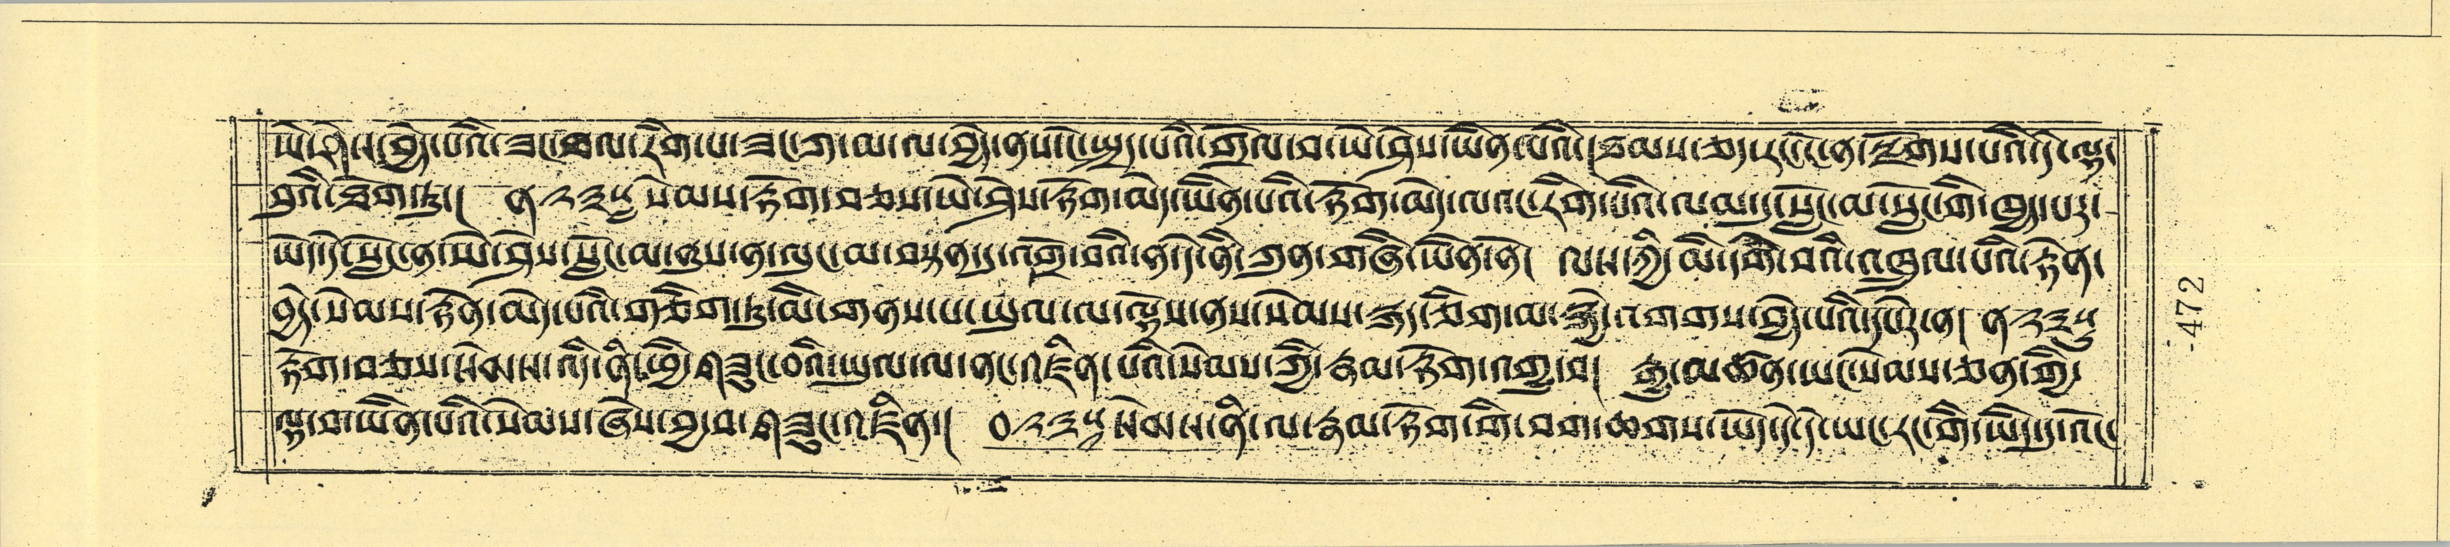ཡེ་ཤེས་བྱེད་པའི་ཟང་ཐལ་རིག་པ་ཟང་ཀ་མ་ལ་བྱེད་ནས་ངོ་སྤྲད་པའི་གྲོལ་བ་ཡེ་ཤེས་ཡིན་པའི། ཐམས་ཅད་རང་ངོ་ན་རྫོགས་པའི་དེ་ལྟ་
བུའི་ཐོག་ཏུ་ ན༢༣༥།༤སེམས་རྟོག་བཅས་ཡེ་ཤེས་རྟོག་མེད་ཡིན་པའི་རྟོག་མེད་ལའང་རིག་པའི་ལམ་དུ་སློང་མ་སློང་གི་ཁྱད་པར་
ཡོད་དེ་སློང་ན་ཡེ་ཤེས་སློང་མ་ནུས་ན་ལུང་མ་བསྟན་དུ་འགྲོ་བས་ན་དེ་ནི་ཀུན་གཞི་ཡིན་ནོ། ༼ལས་ཀྱི༽མི་དགེ་བའི་འཁྲུལ་པའི་རྟེན་
བྱེད་སེམས་རྟེན་མེད་པའི་གཅིག་ཏུ་མི་གནས་པ་ཡུལ་ལ་ལྟོས་ནས་སེམས་སྐད་ཅིག་མ་སྐྱེ་འགག་བྱེད་པའི་ཕྱིར་ན་ ན༢༣༥།༦
རྟོག་བཅས་༼སེམས༽འདི་ནི་ཕྱི་༼གཟུང་༽བའི་ཡུལ་ལ་༼ནང༽འཛིན་པའི་སེམས་ཀྱི་རྣམ་རྟོག་འགྱུ་བ་ རྒྱུ་མཚན་ཡང་སེམས་ཅན་གྱི་
ལྟ་བ་ཡིན་པའི་སེམས་ཞེས་བྱ་བ་གཟུང་འཛིན་ བ༢༣༥།༡༼སེམས་ནི༽ལ་རྣམ་རྟོག་གི་བག་ཆགས་ཡོད་དེ། དེ་ཡང་རང་གི་ཡིད་དུ་འོིང་